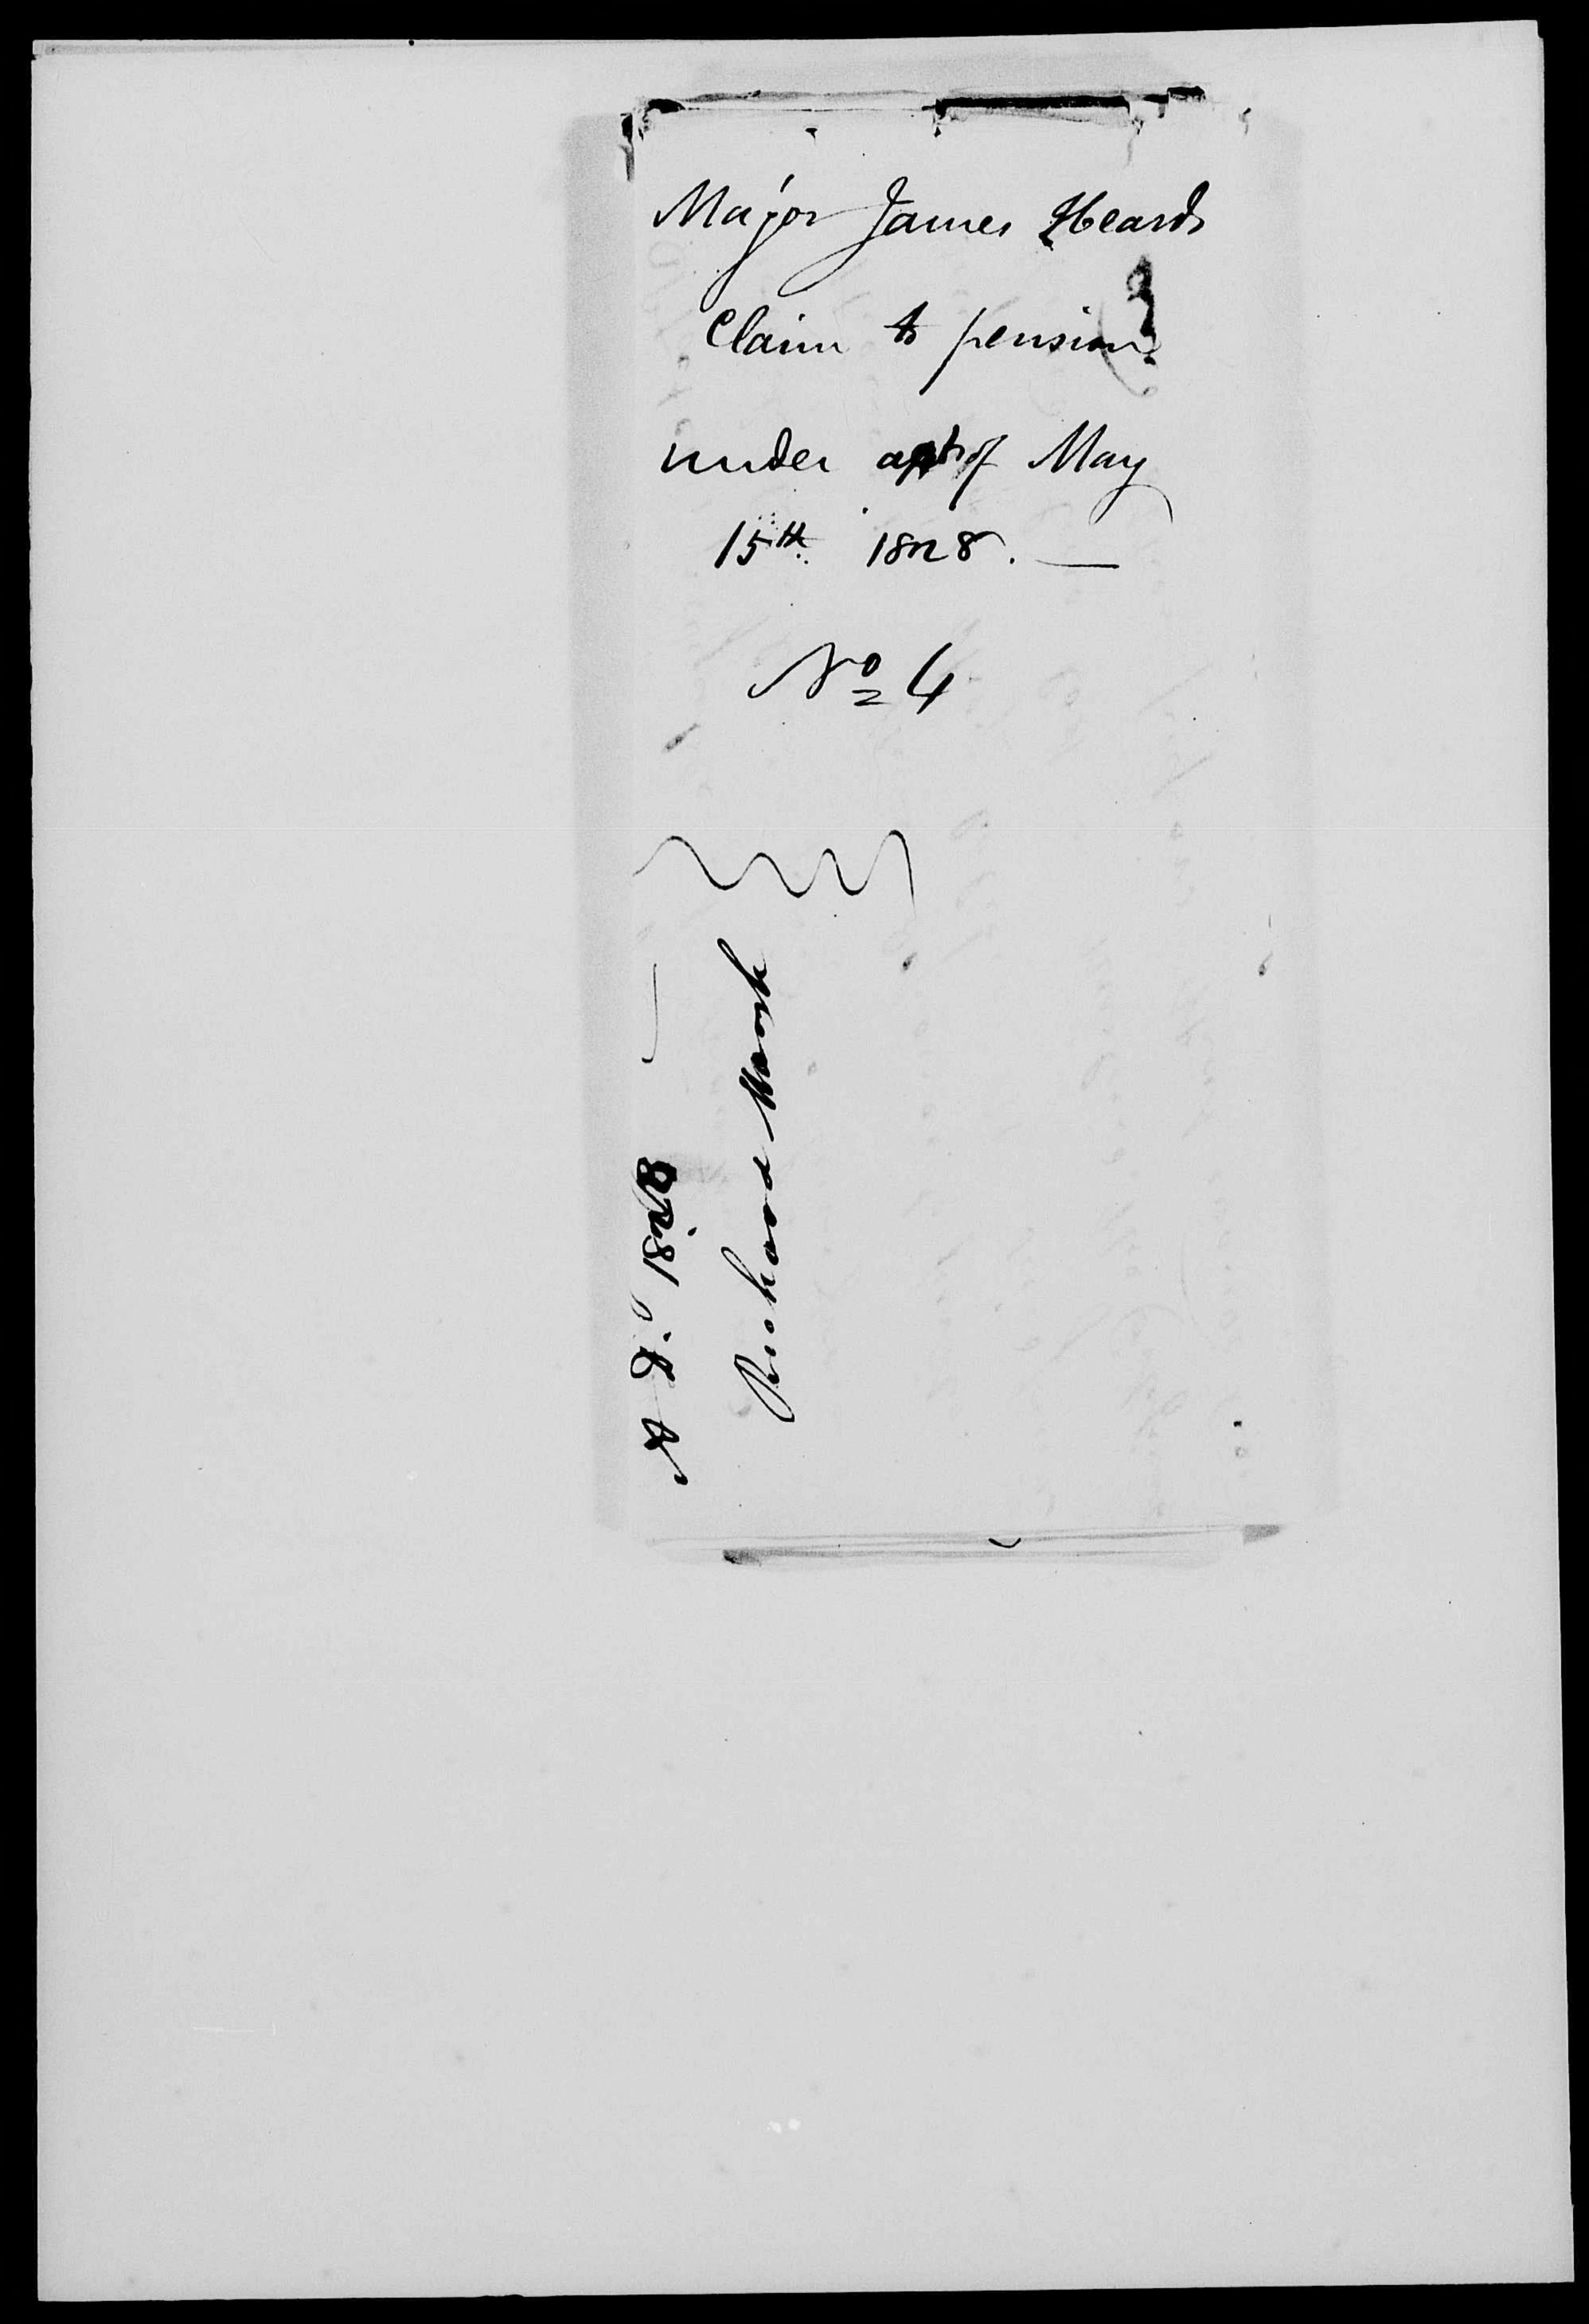Major James Heard
Claim to Pension under act of May 15, 1828
No. 4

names: James Heard, Richard Marsh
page: 33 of 62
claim: survivor's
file: S. 540, James Heard, Continental - New Jersey Residence In 1818